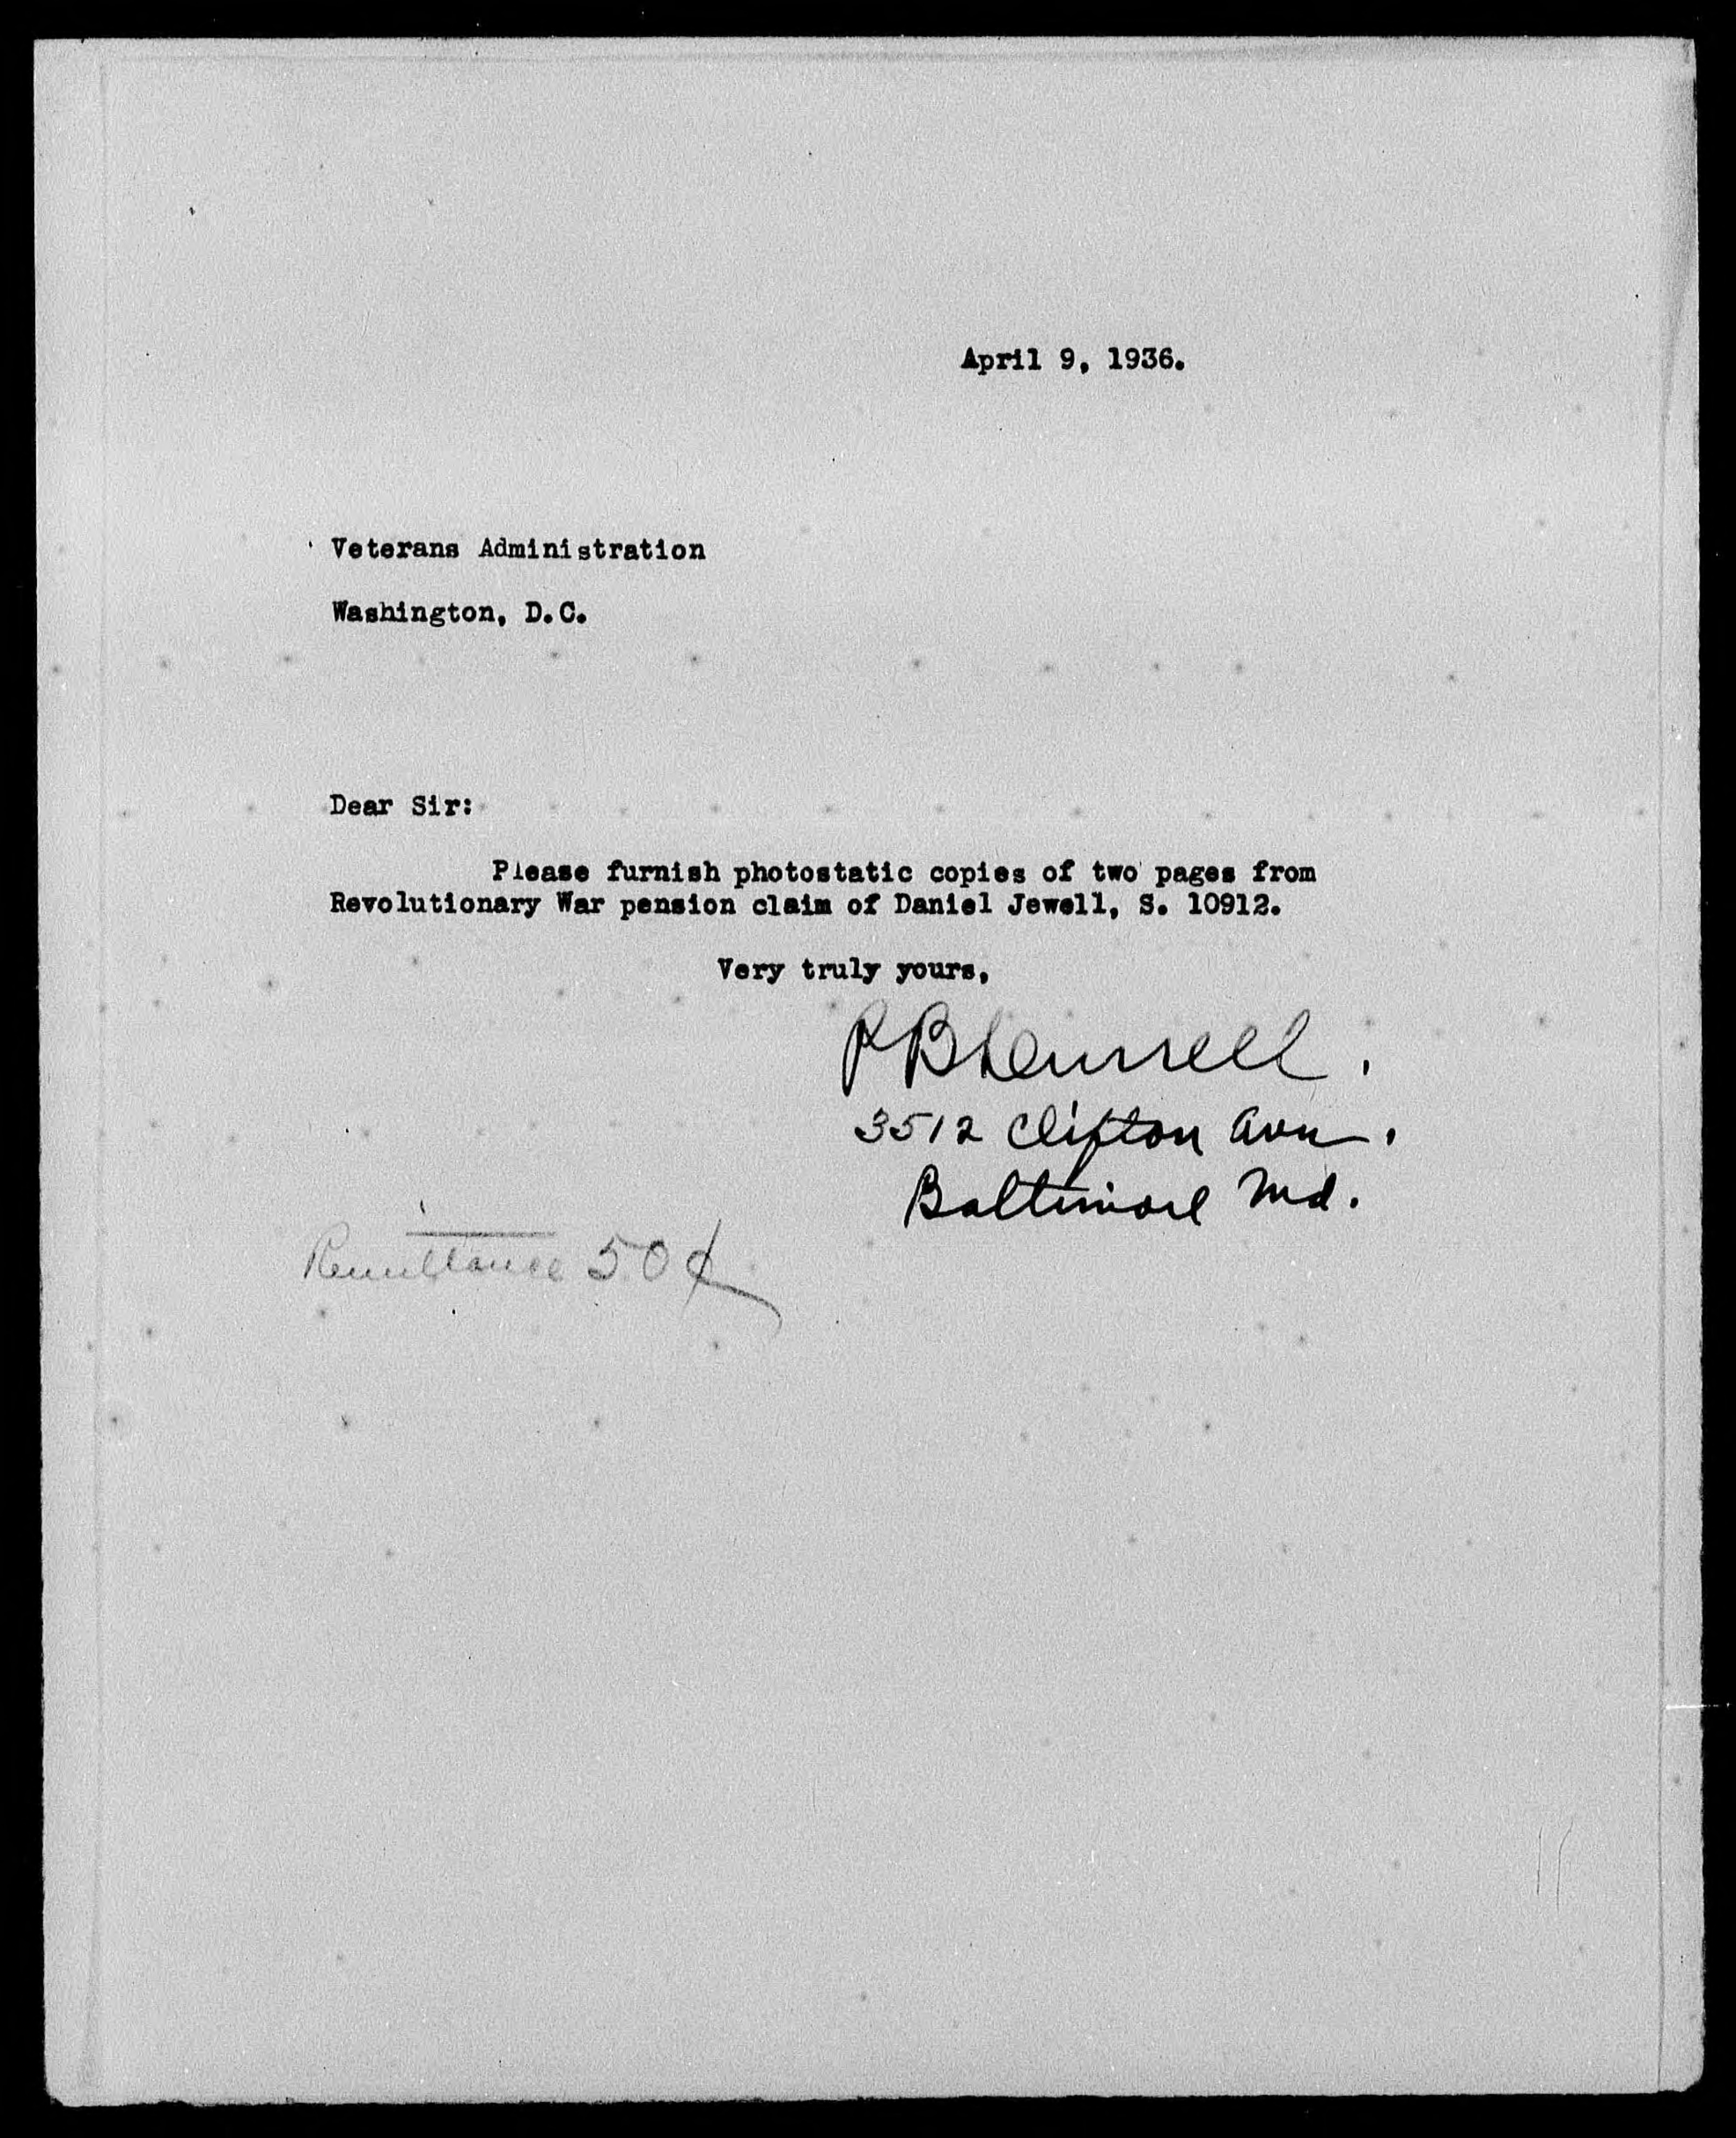April 9, 1936.
Veterans Administration
Washington, D.C.
Dear Sir:

Please furnish photostatic copies of two pages from Revolutionary War pension claim of Daniel Jewell, S. 10912.
Very truly yours,
P B Durell
3512 Clifton Ave,
Baltimore Md.
Remittance 50 cents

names: Daniel Jewell; P B Durrell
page: 32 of 35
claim: survivor's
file: S. 10912, for Daniel Jewell, New Hampshire